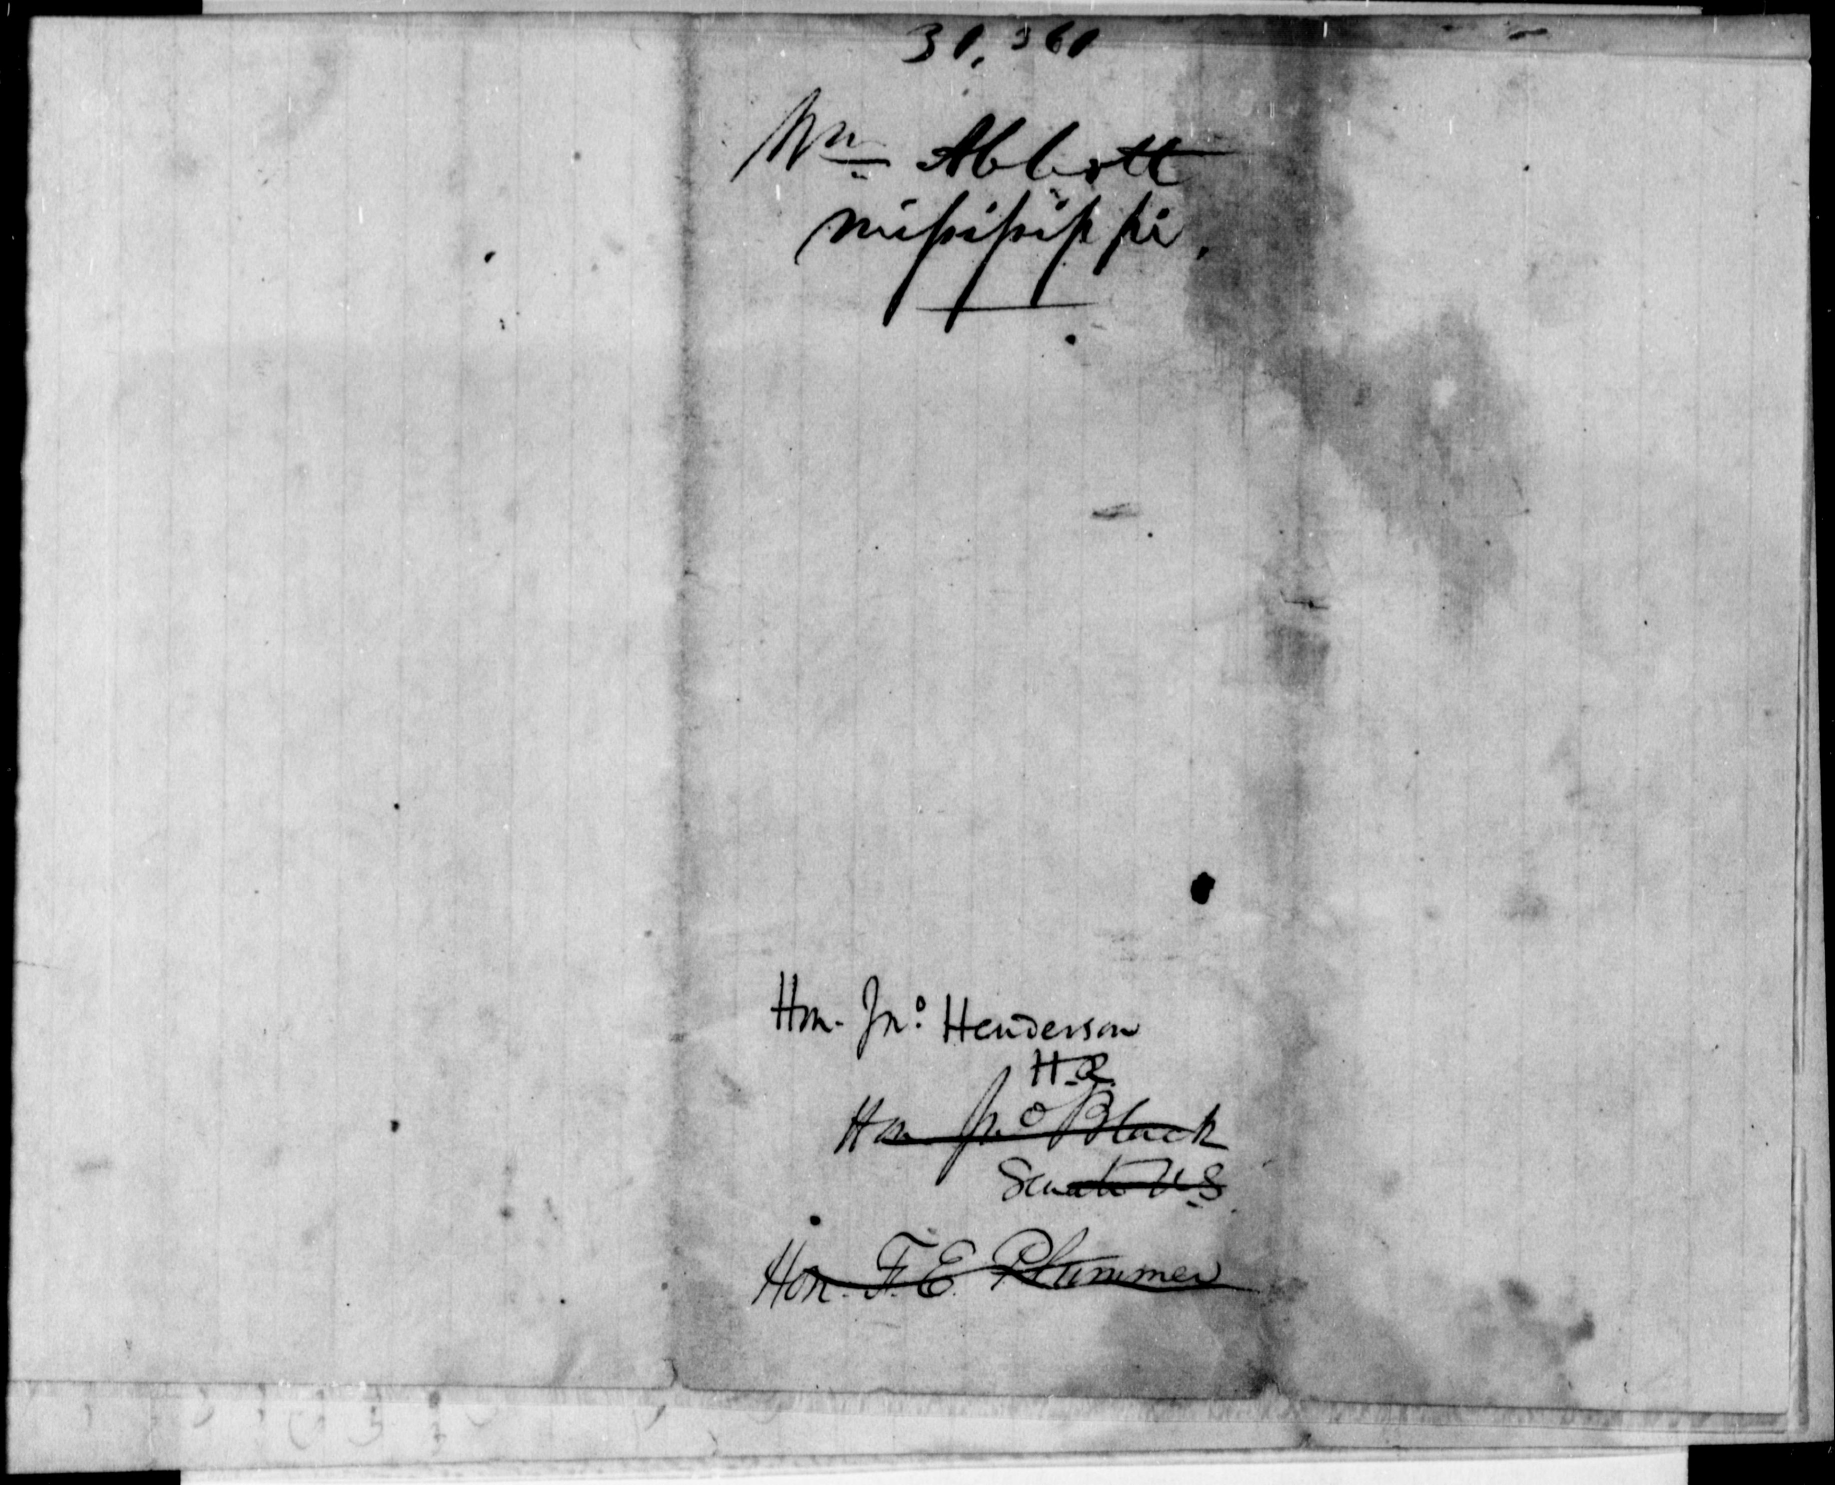31,360
Wm. Abbott
Mississippi

Hon. Jno. Henderson
H.R.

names: Jno Henderson, F E Plummer, Wm Abbott, H R Black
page: 19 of 38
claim: survivor's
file: S. 30. 239, William Abbott, S.C.